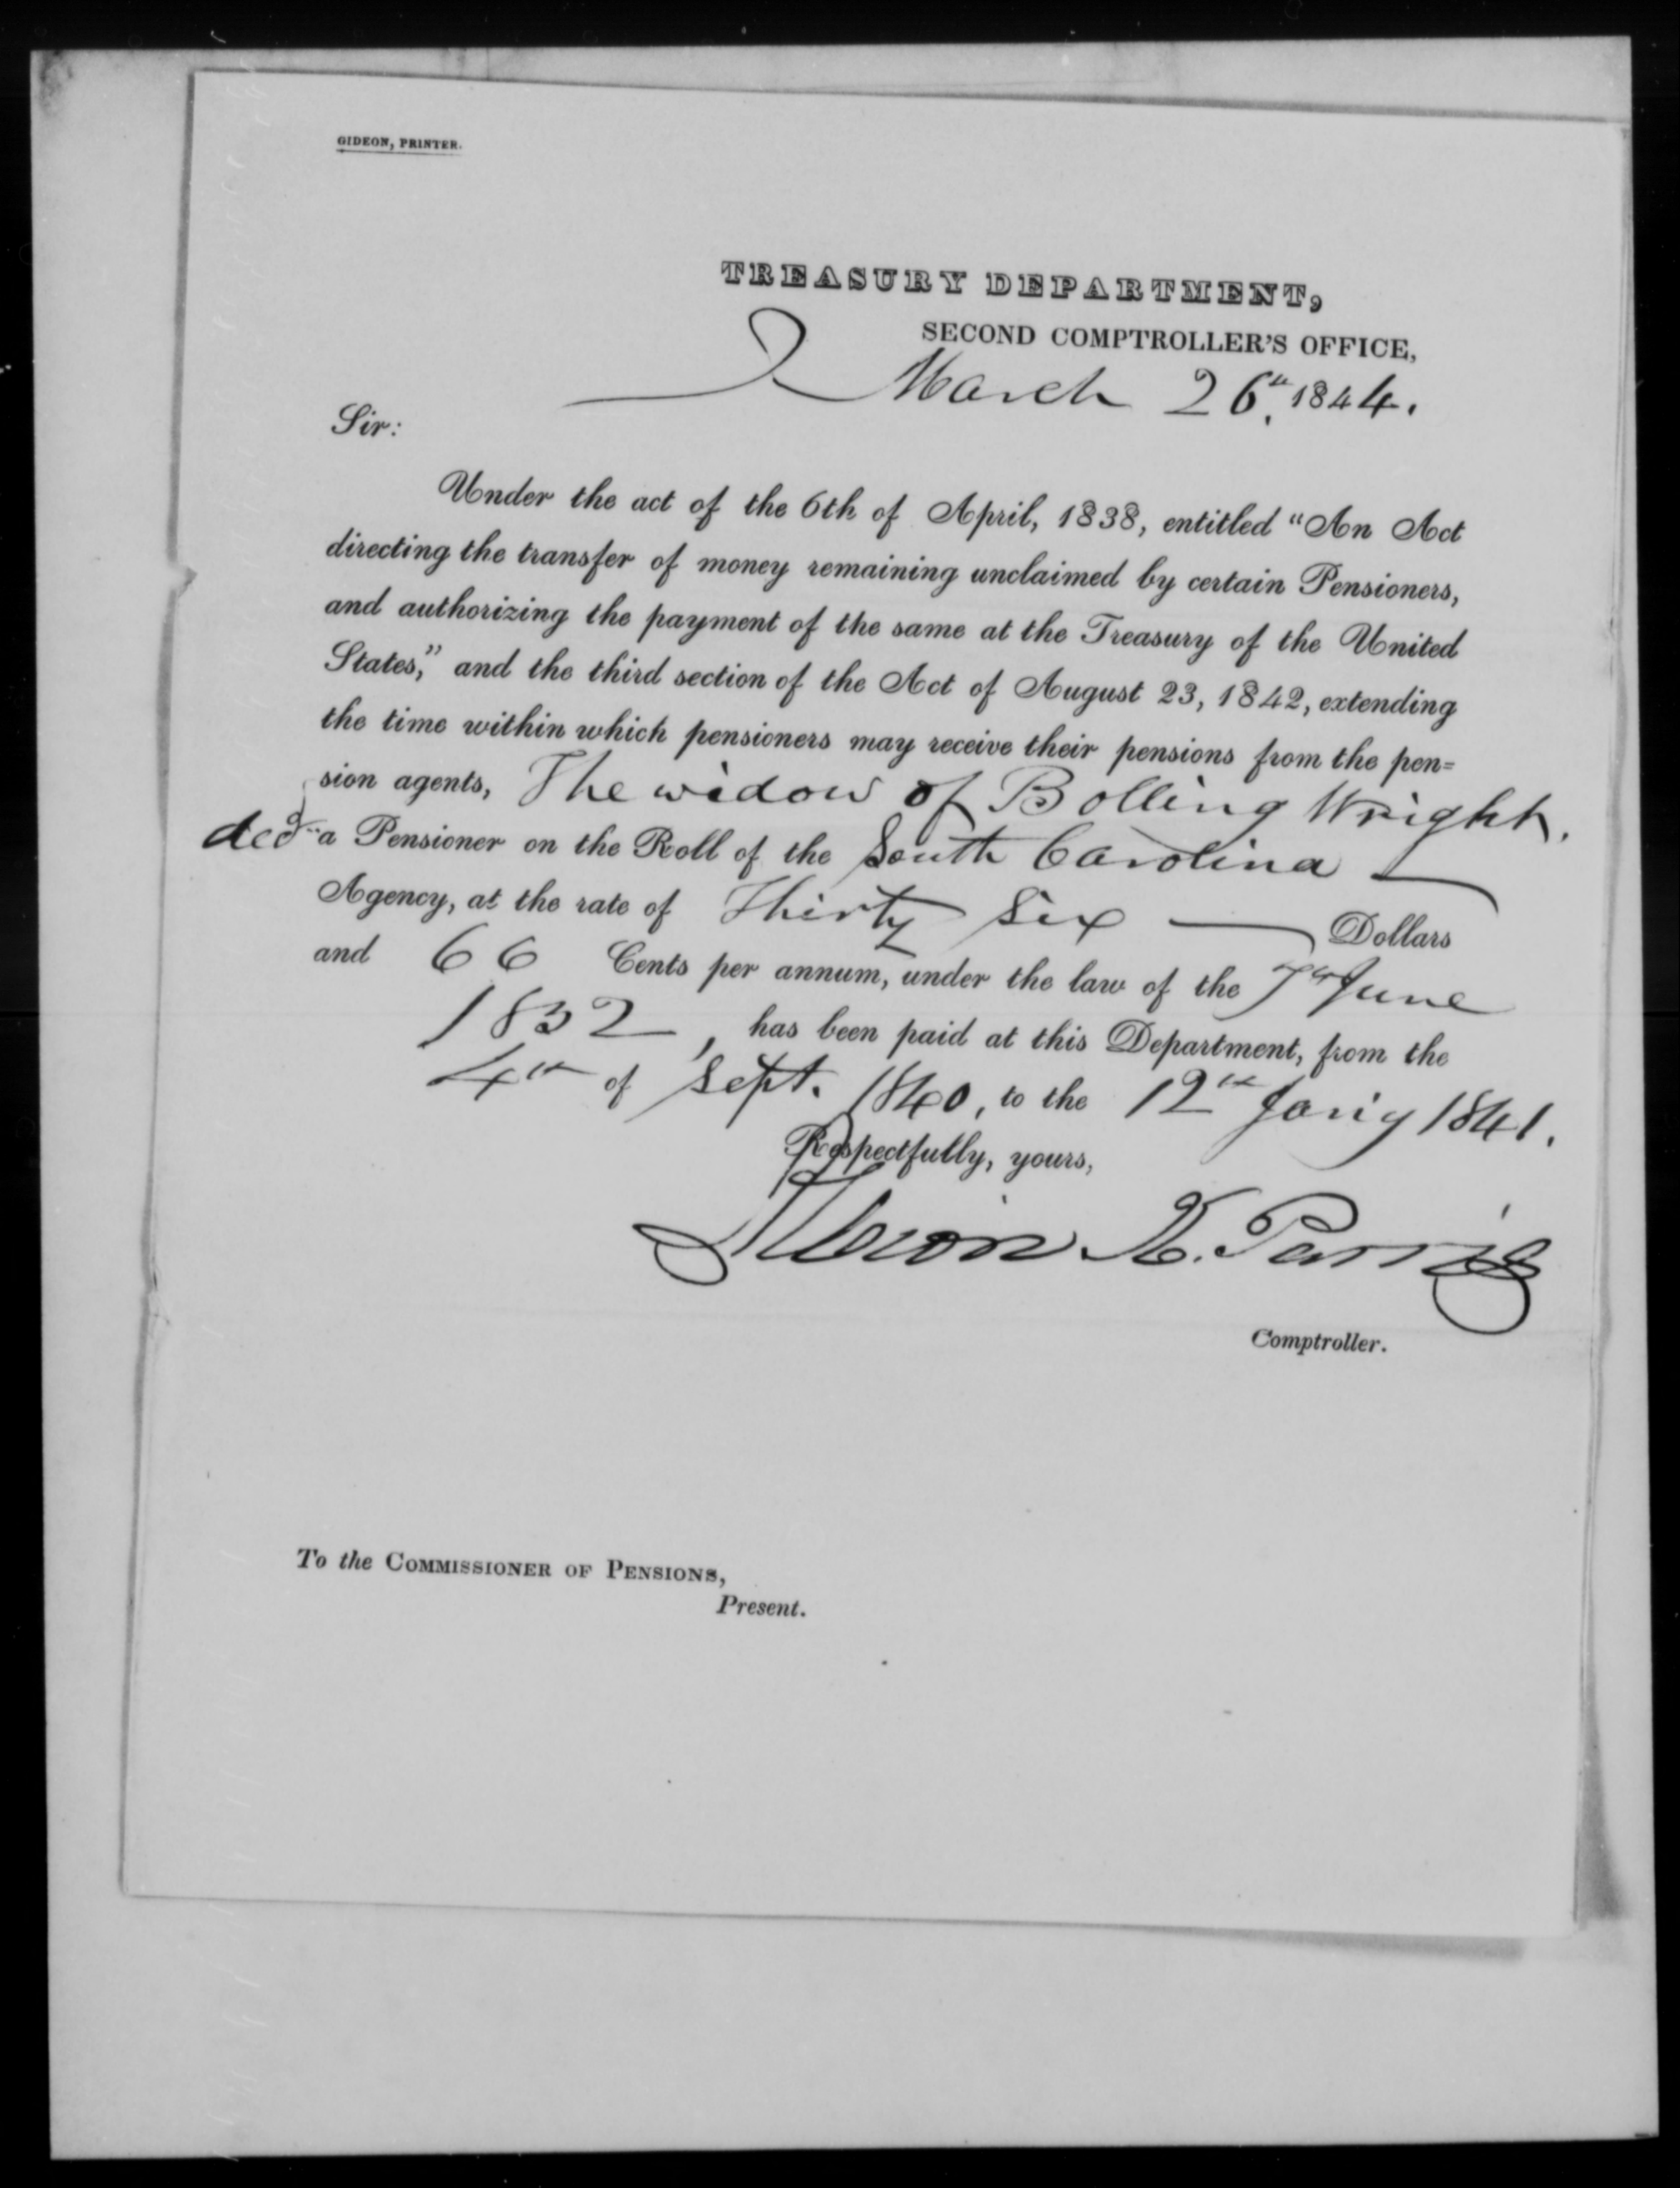Treasury Department,
Second Comptroller's Office
March 26, 1844
Sir:
Under the act of the 6th of April, 1838, entitled "An Act directing the transfer of money remaining unclaimed by certain Pensioners, and authorizing the payment of the same at the Treasury of the  United States," and the third section of the Act of August 23, 1842, extending the time within which pensioners may receive their pensions from the pension agents, The widow of Bolling Wright, Decd, a Pensioner on the Roll of the South Carolina Agency at the rate of Thirty Six Dollars and 66 Cents per annum, under the law of the 7th June 1832, has been paid at this Department, from the 4th of Sept, 1840, to the 12th Jan'y 1841
Respectfully, yours,
Albion K. Parris
Comptroller
To the Commissioner of Pensions, Present.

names: Albion K Parris, Bolling Wright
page: 39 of 81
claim: widow's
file: W. 5183, Bolling Wright, Va.